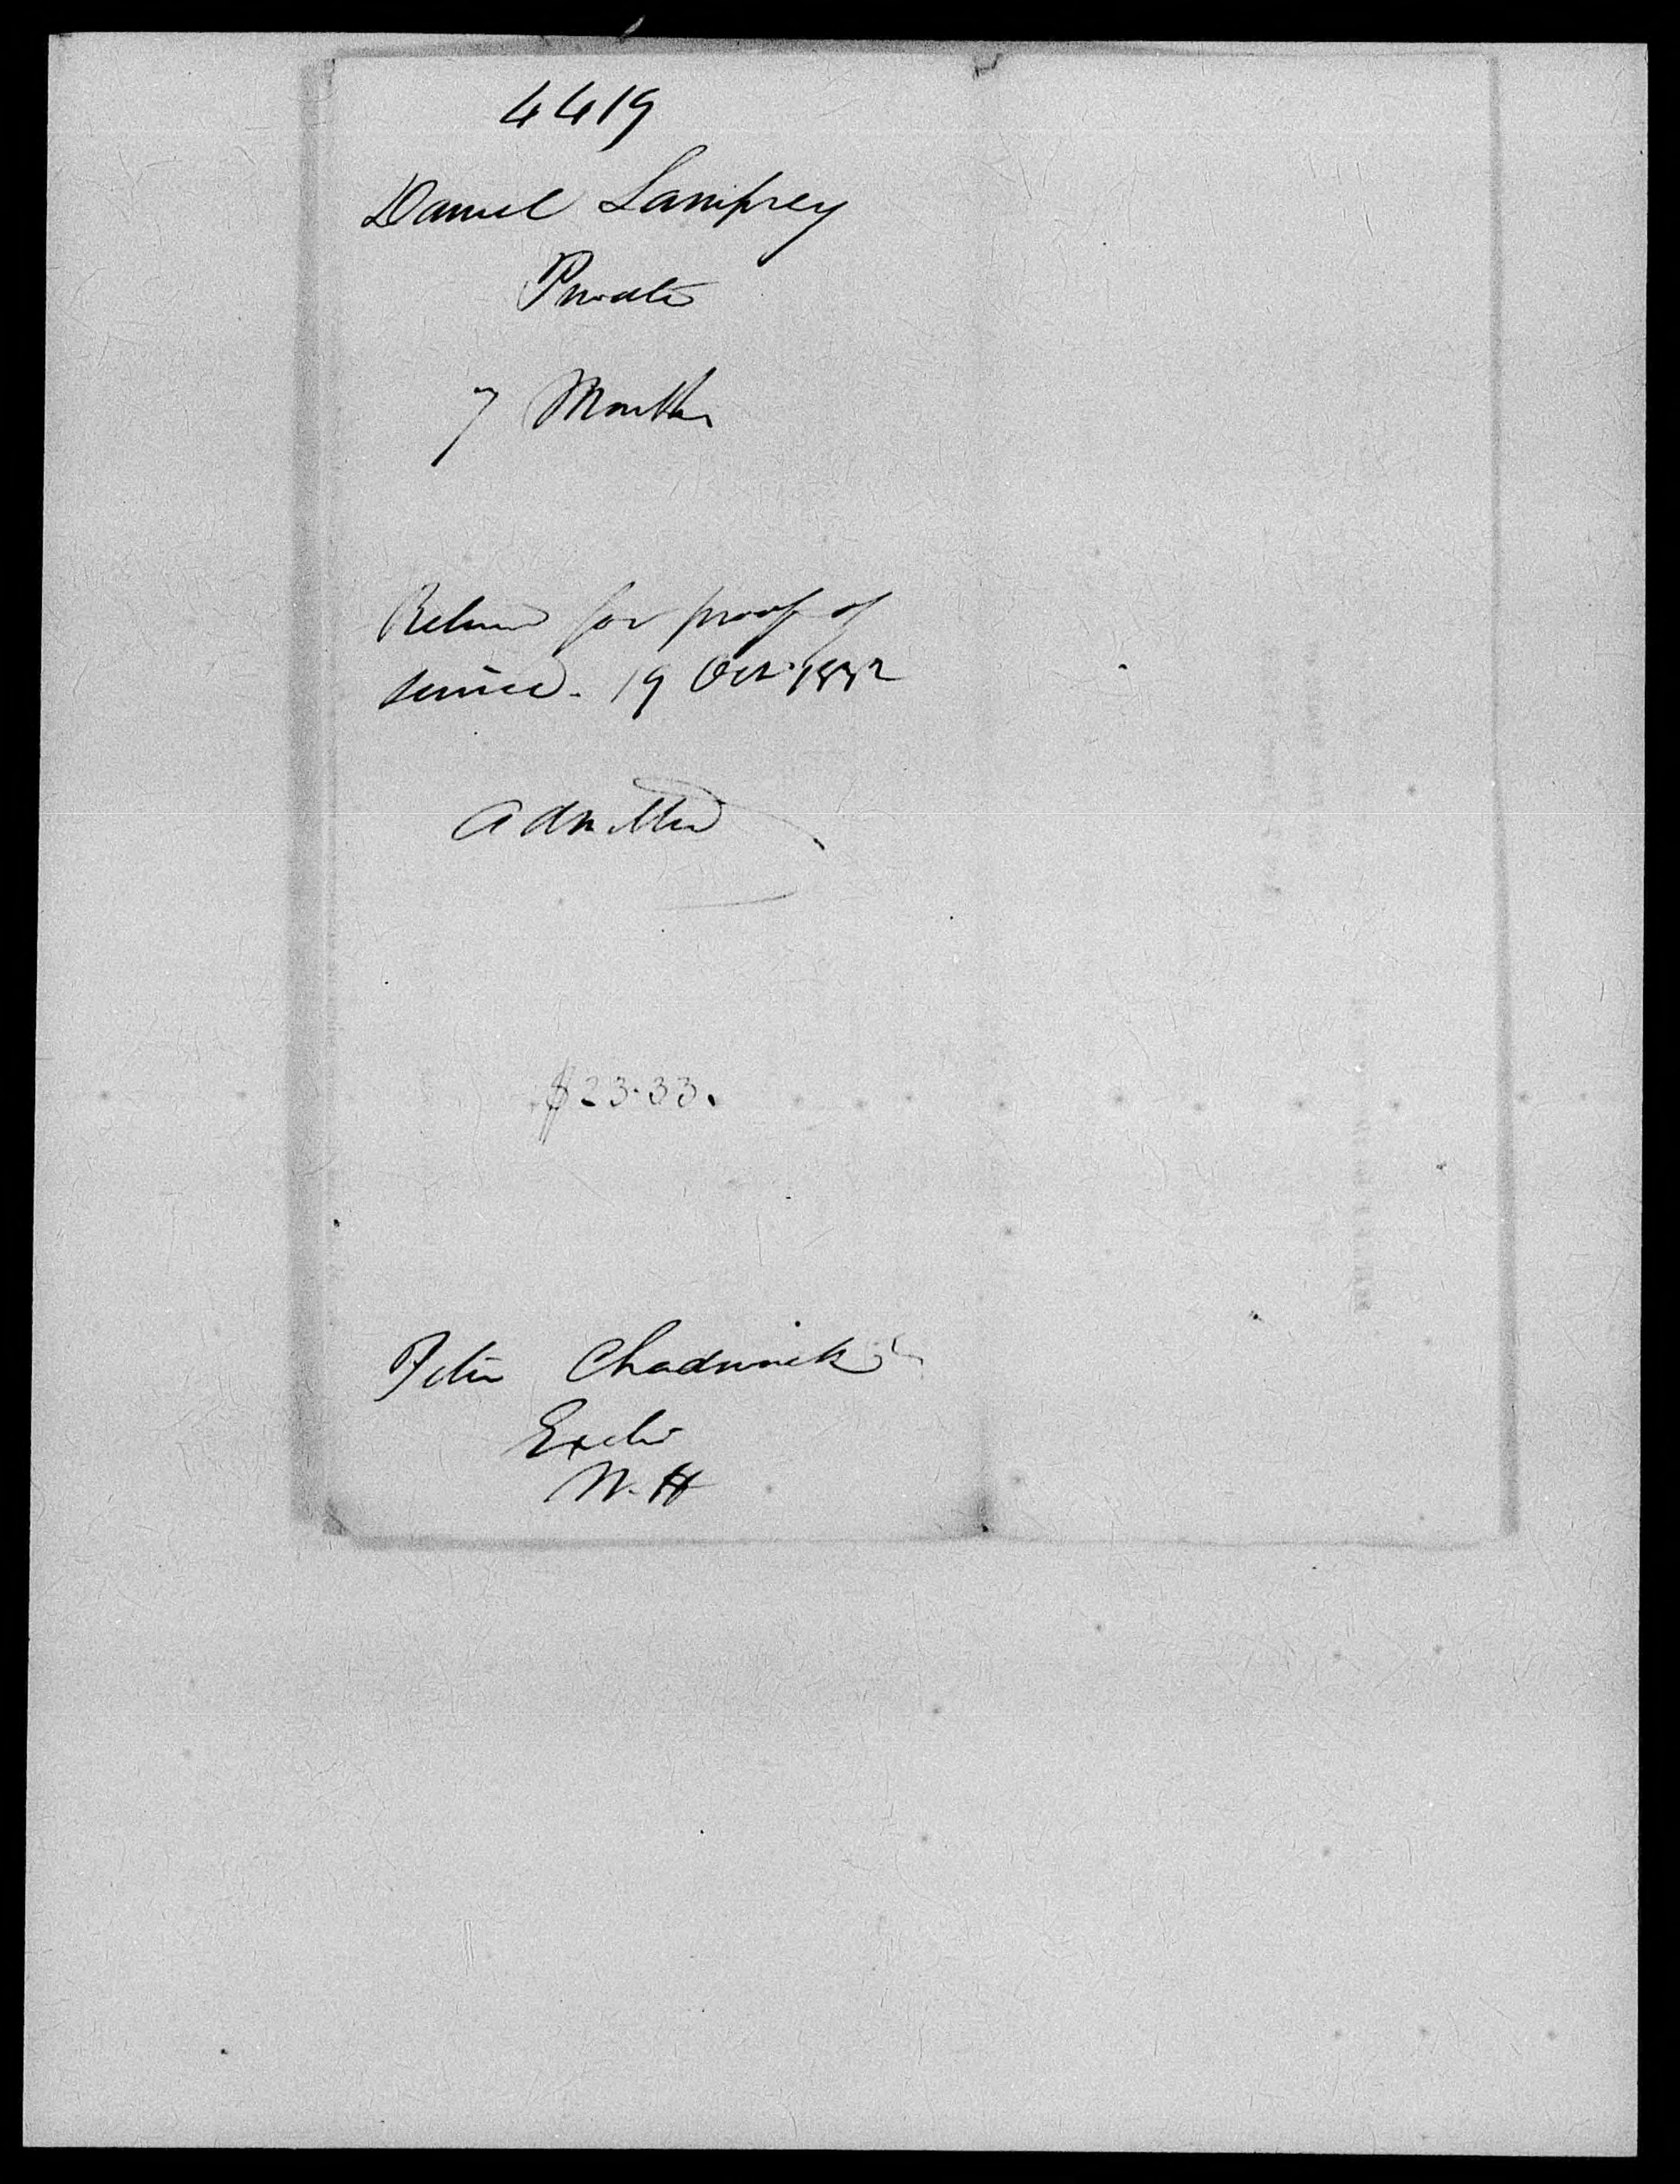4419
Daniel Lamprey Private 7 months
Return for proof of service - 19 Oct 1832
Admitted

$23.33.
Peter Chadwick Exeter N.H.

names: Daniel Lamprey; Peter Chadwick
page: 5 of 53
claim: widow's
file: W. 492, for Daniel Lamprey, New Hampshire